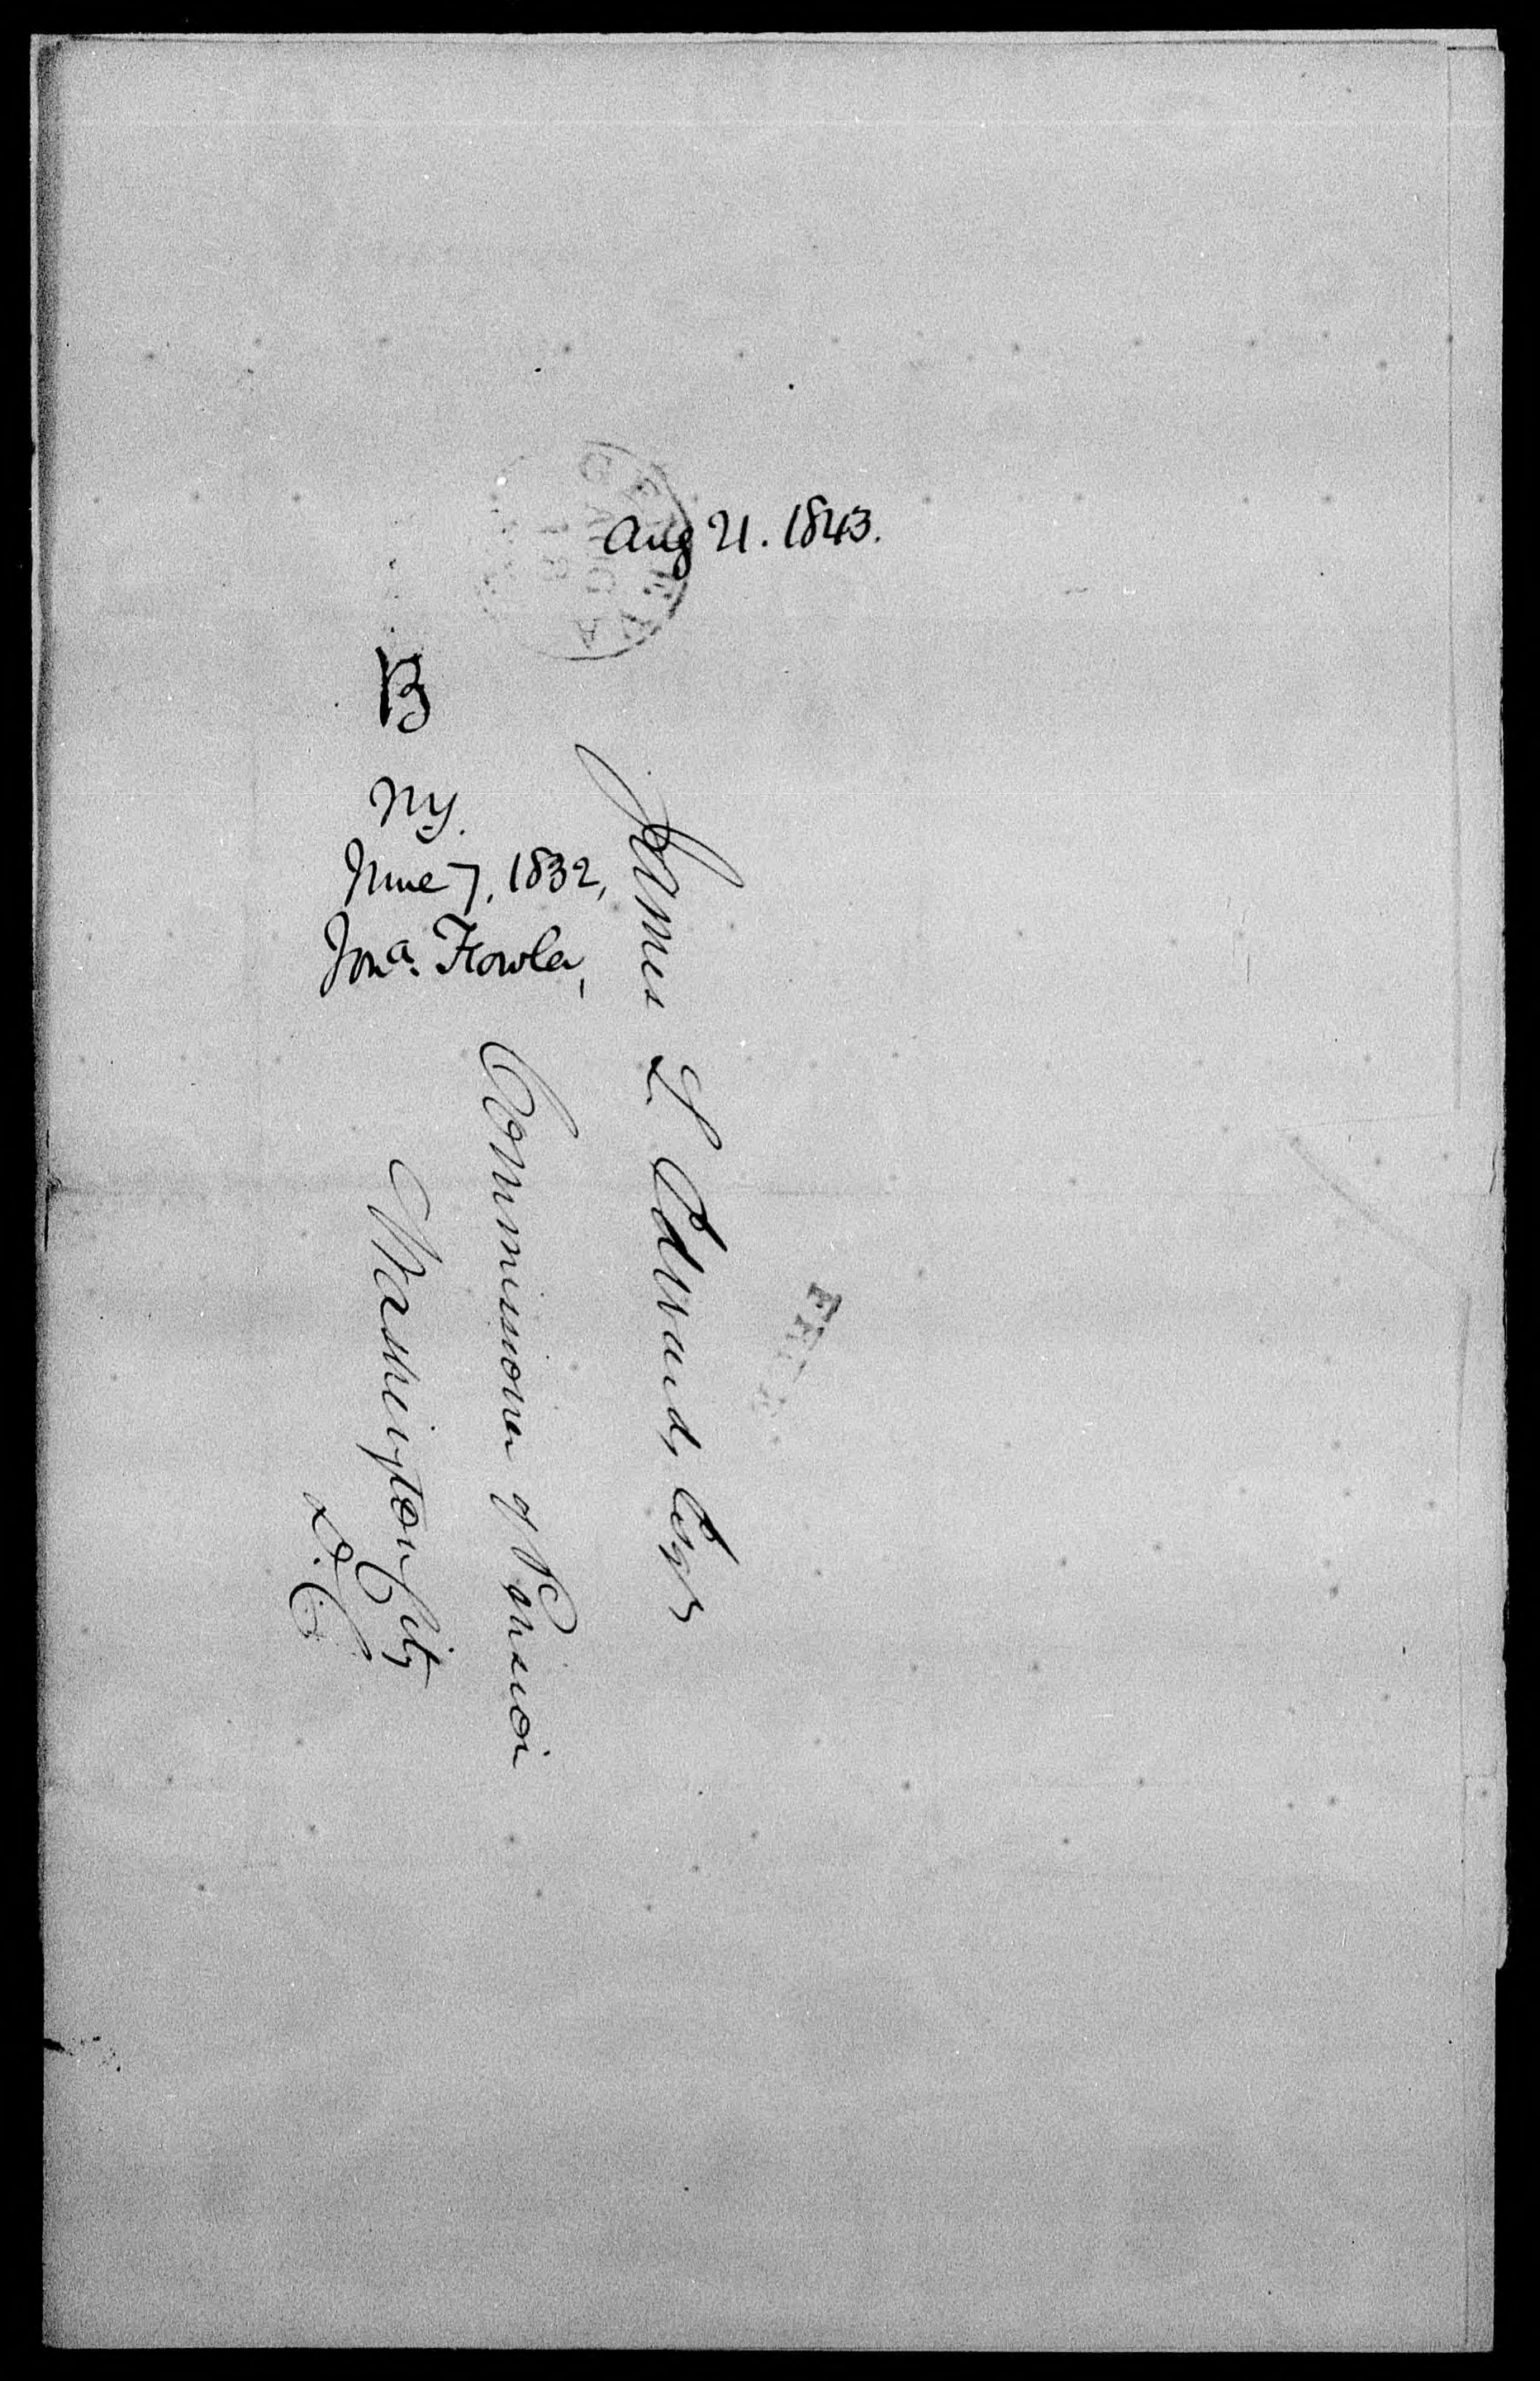Aug 21, 1843
B
N.Y.
June 7, 1832
Jona. Fowler

FREE
James L. Edwards Esq
Commissioner of Pensions
Washington City D.C.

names: James L Edwards, Jona Fowler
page: 21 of 44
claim: survivor's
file: S. 23639, Jonathan Fowler, New York